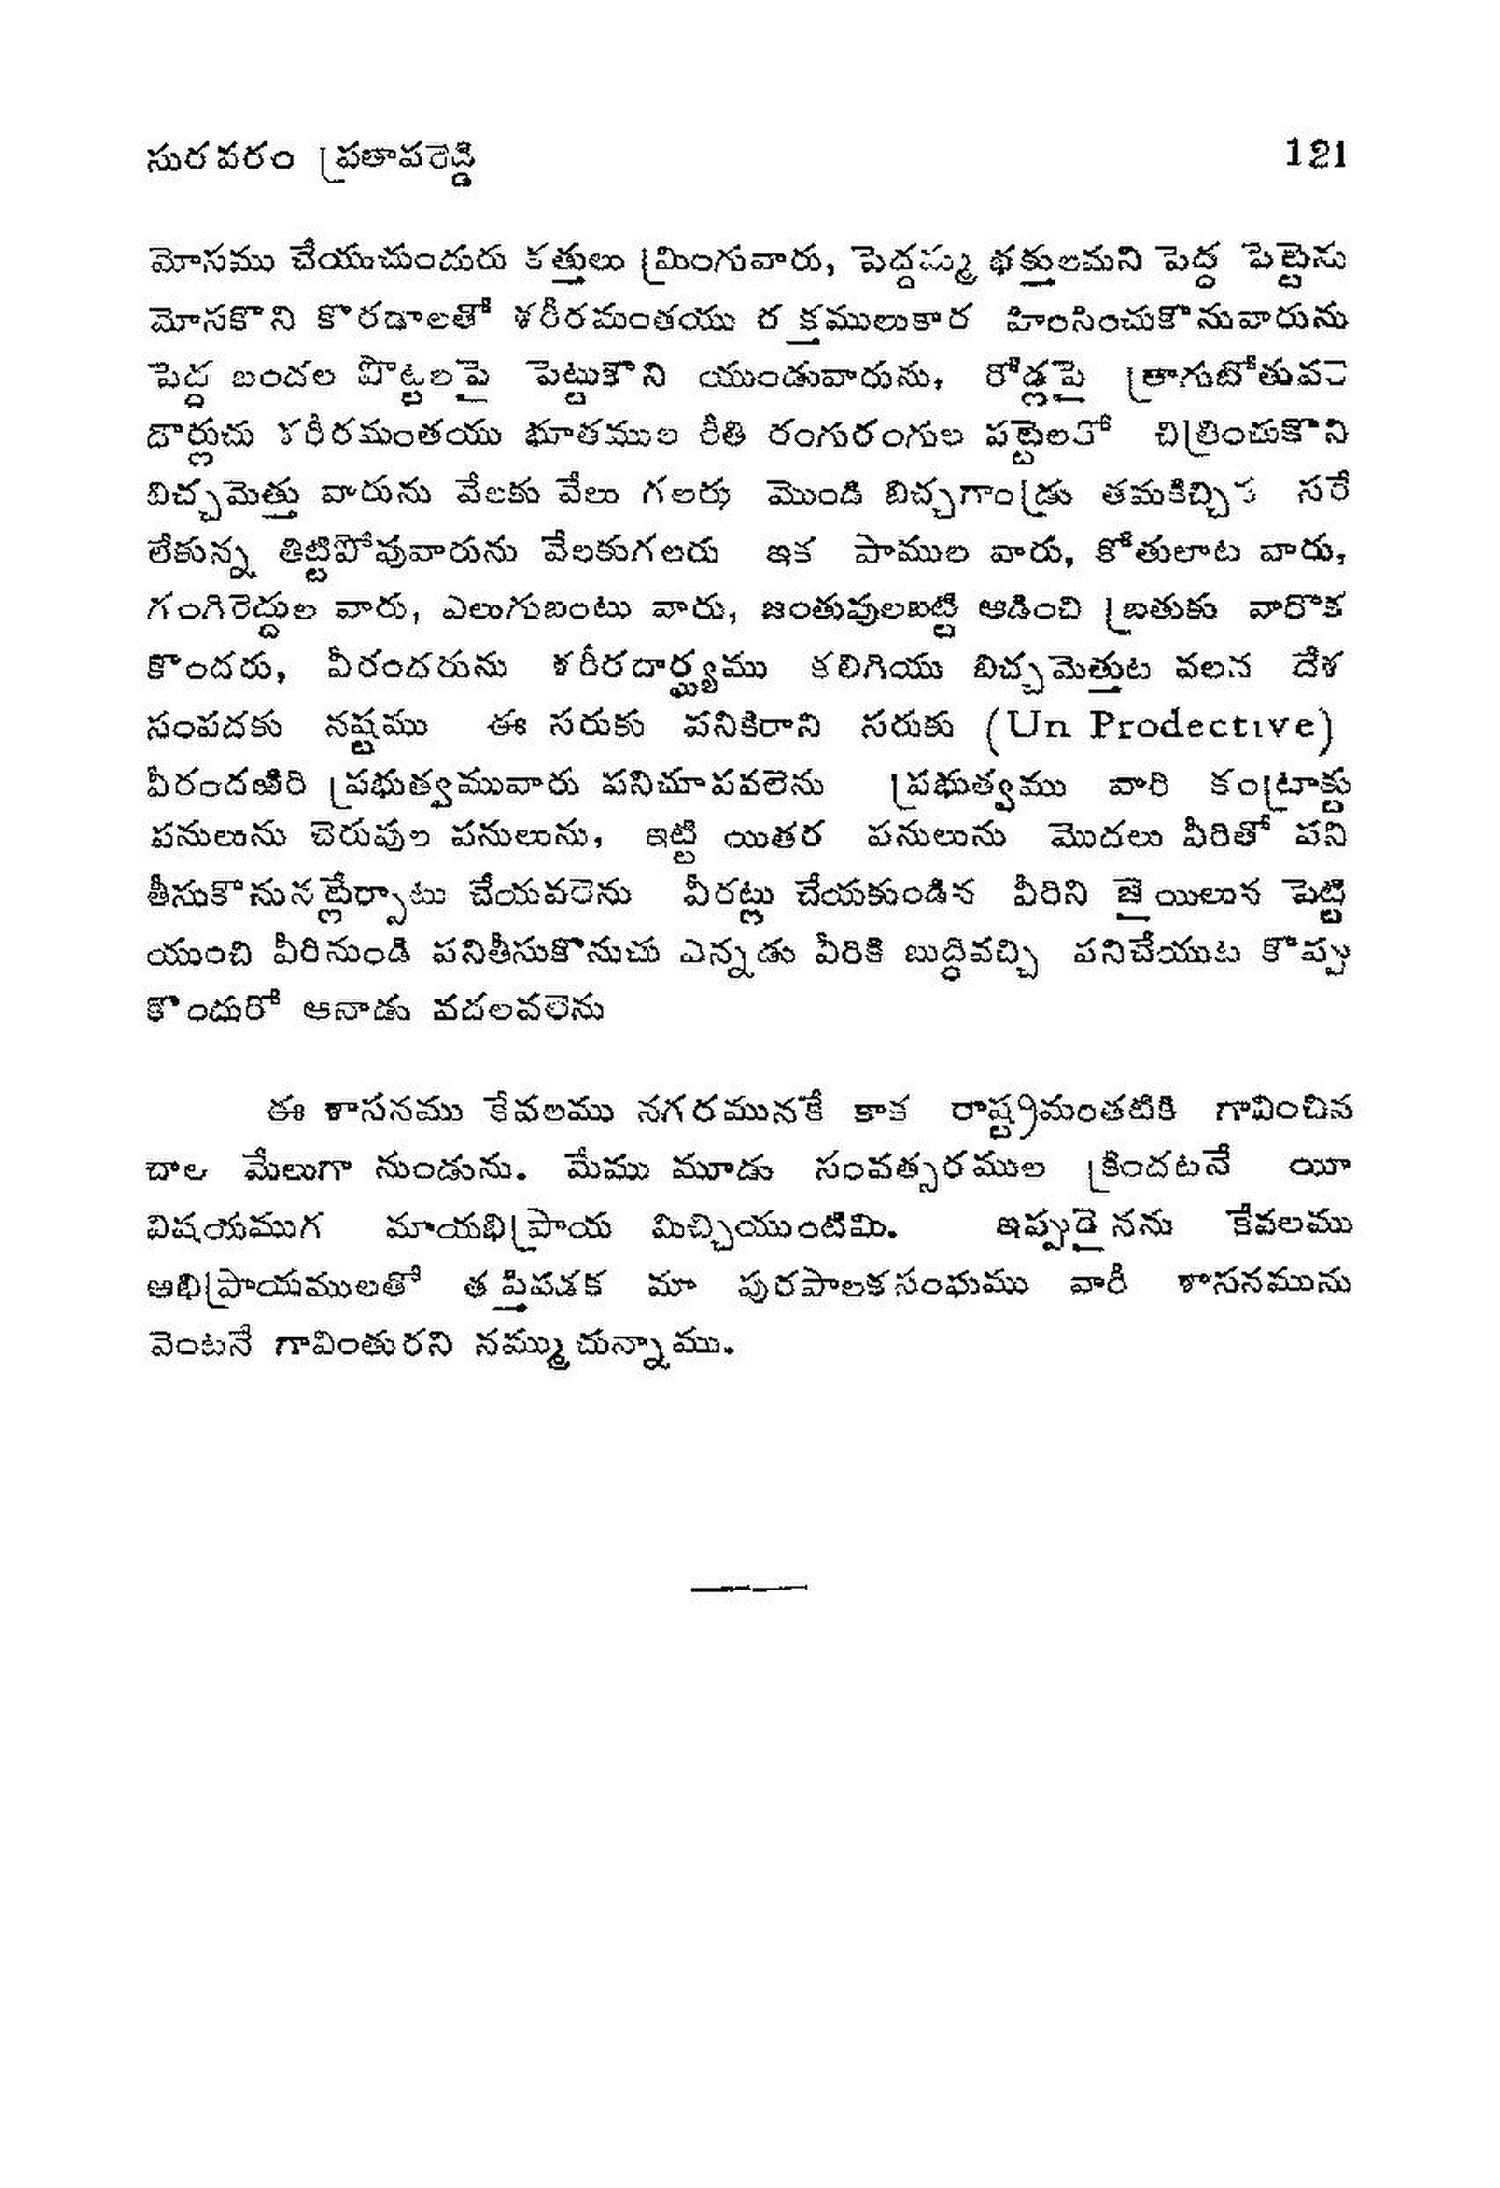మోసము చేయుచుందురు కత్తులు మ్రింగువారు, పెద్దమ్మ భక్తులమని పెద్ద పెట్టెను మోసకొని కొరడాలతో శరీరమంతయు రక్తములుకారు హింసించుకొనువారును పెద్ద బందల పొట్టలపై పెట్టుకొని యుండువారును, రోడ్లపై త్రాగుబోతువలె దొర్లుచు శరీరమంతయు భూతముల రీతి రంగురంగుల పట్టెలతో చిత్రించుకొని బిచ్చమెత్తు వారును వేలకు వేలు గలరు మొండి బిచ్చగాండ్రు తమకిచ్చిన సరే లేకున్న తిట్టిపోవువారును వేలకుగలరు ఇక పాముల వారు, కోతులాట వారు, గంగిరెద్దుల వారు, ఎలుగుబంటు వారు, జంతువులబట్టి ఆడించి బ్రతుకు వారొక కొందరు, వీరందరును శరీరదార్ఘ్యము కలిగియు బిచ్చమెత్తుట వలన దేశసంపదకు నష్టము ఈ సరుకు పనికిరాని సరుకు (Un Prodective) వీరందఱిరి ప్రభుత్వమువారు పనిచూపవలెను ప్రభుత్వము వారి కంట్రాక్టు పనులును చెరువుల పనులును, ఇట్టి యితర పనులును మొదలు వీరితో పని తీసుకొనునట్లేర్పాటు చేయవలెను వీరట్లు చేయకుండిన వీరిని జైయిలున పెట్టి యుంచి వీరినుండి పనితీసుకొనుచు ఎన్నడు వీరికి బుద్ధివచ్చి పనిచేయుట కొప్పు కొందురో ఆనాడు వదలవలెను

ఈ శాసనము కేవలము నగరమునకే కాక రాష్ట్రమంతటికి గావించిన చాల మేలుగా నుండును. మేము మూడు సంవత్సరముల క్రిందటనే యీ విషయముగ మాయభిప్రాయ మిచ్చియుంటిమి. ఇప్పుడైనను కేవలము
అభిప్రాయములతో తృప్తిపడక మా పురపాలకసంఘము వారి శాసనమును వెంటనే గావింతురని నమ్ముచున్నాము.